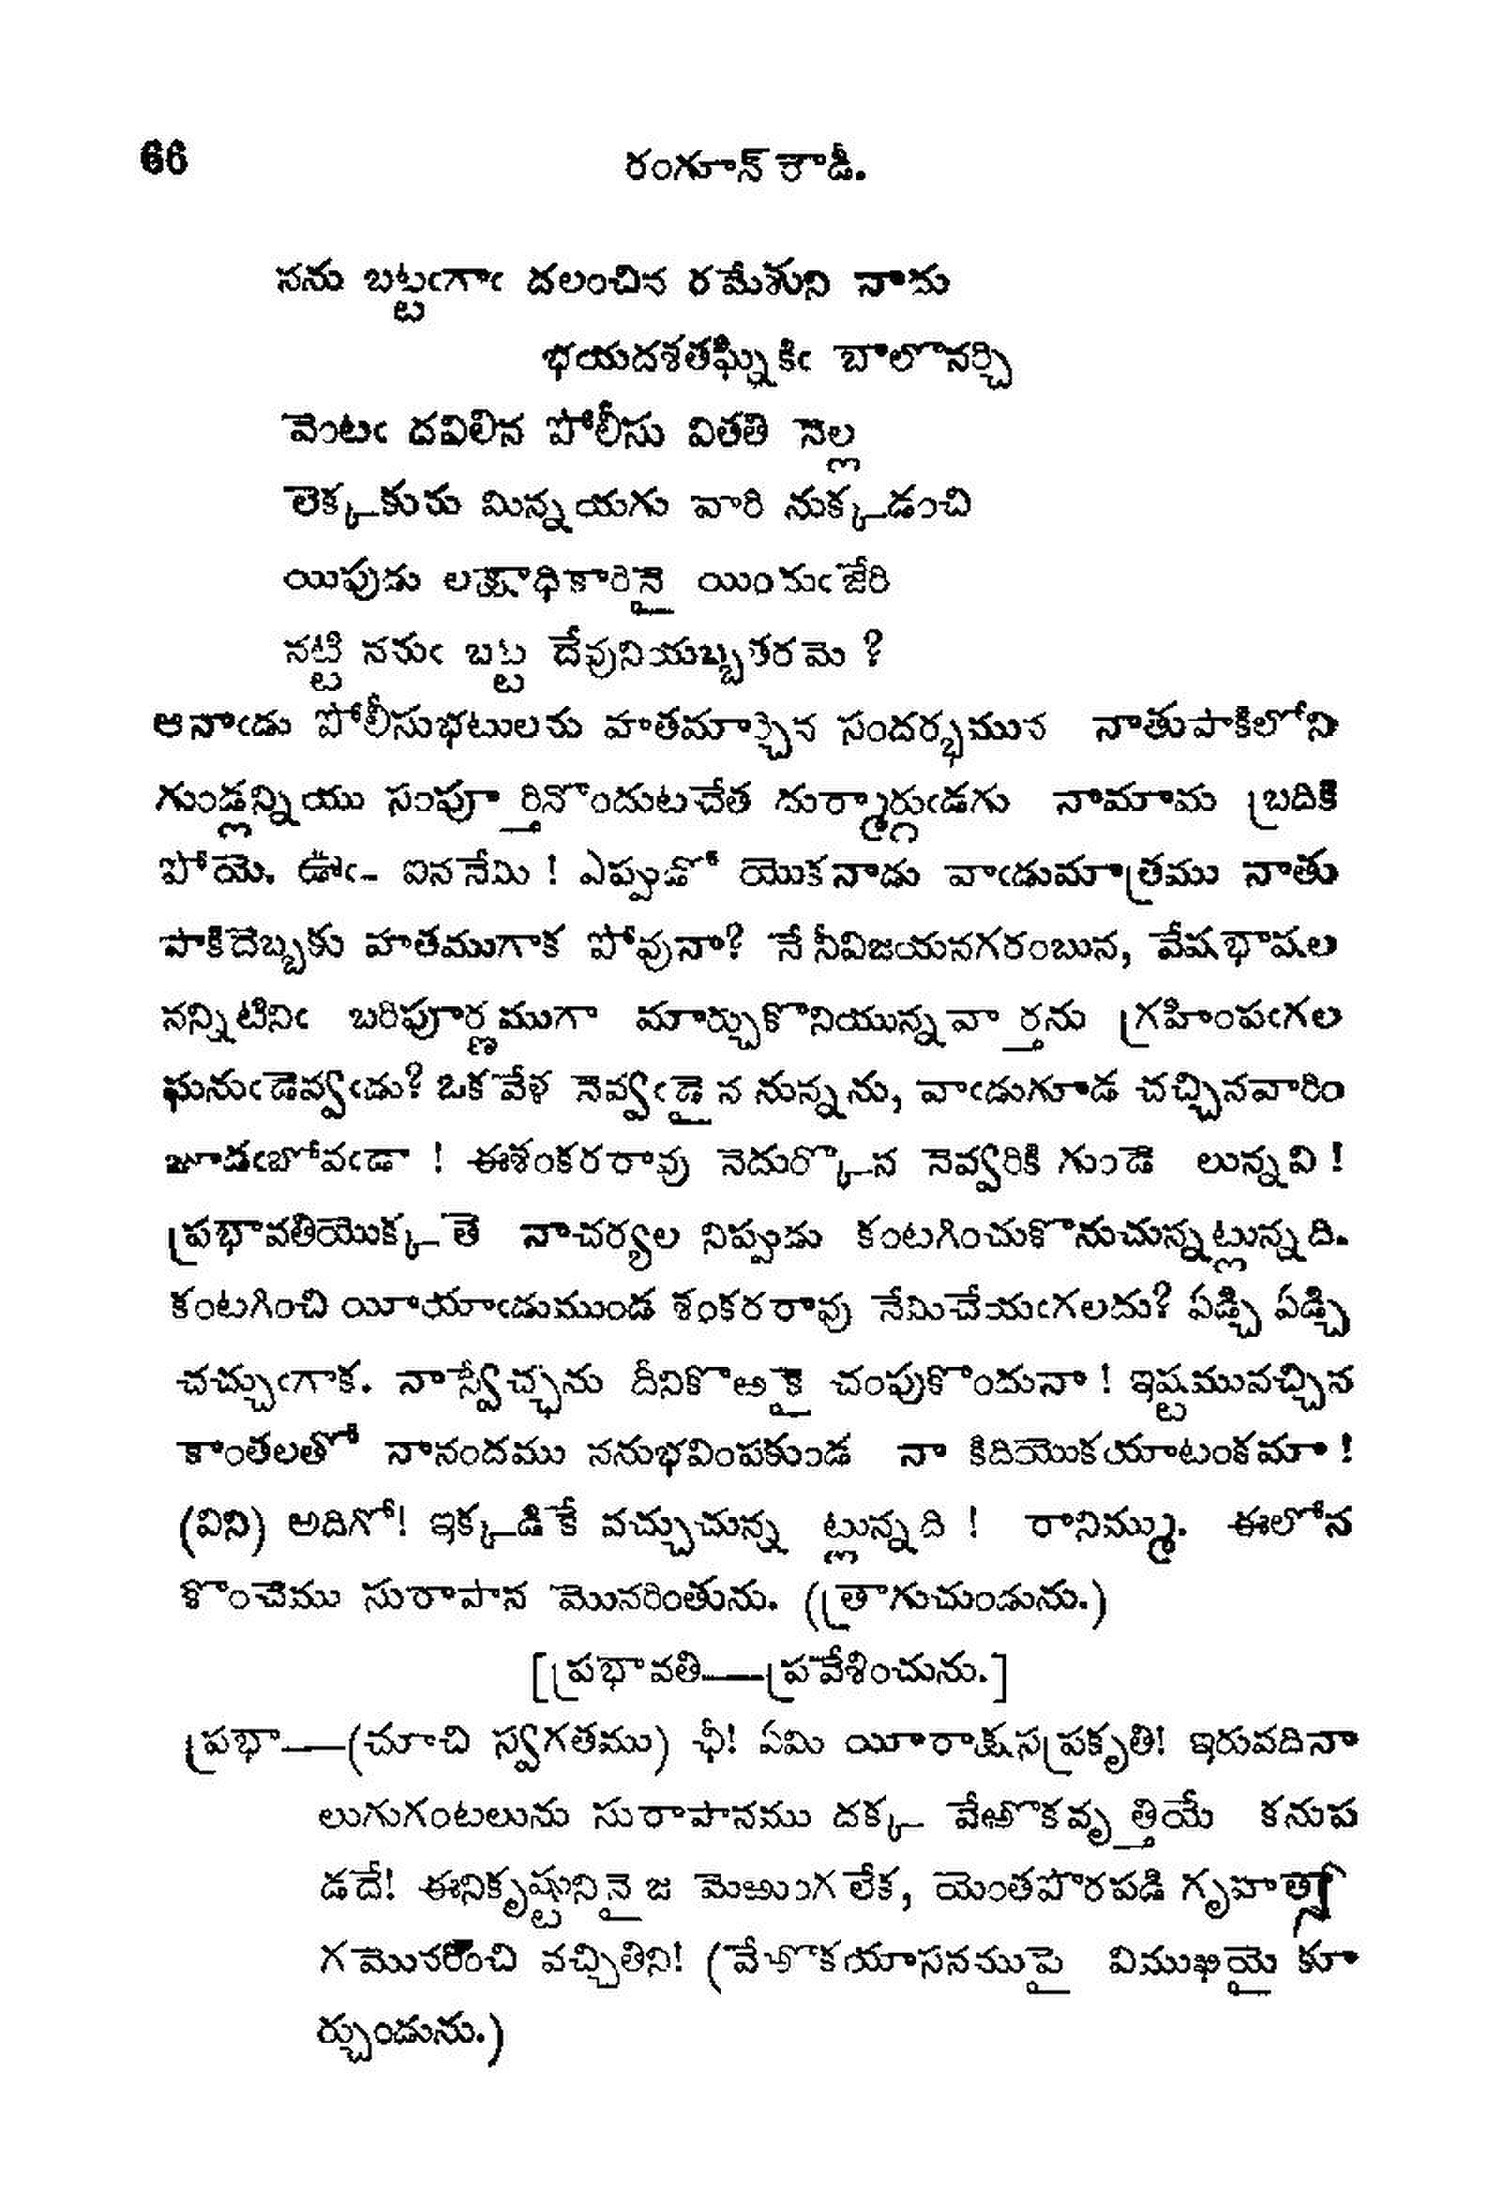నను బట్టఁగాఁ దలంచిన రమేశుని నాదు
 భయదశతఘ్నికిఁ బాలొనర్చి

 వెంటఁ దవిలిన పోలీసు వితతి నెల్ల
 లెక్కకును మిన్నయగు వారి నుక్కడంచి
 యిపుడు లక్షాధికారినై యిందుఁ జేరి
 నట్టి ననుఁ బట్ట దేవుని యబ్బతరమె ?
ఆనాఁడు పోలీసుభటులను హతమార్చిన సందర్భమున నాతుపాకిలోని గుండ్లన్నియు సంపూర్తి నొందుటచేత దుర్మార్గుఁడగు నామామ బ్రదికిపోయె. ఊఁ. ఐననేమి ! ఎప్పుడో యొకనాడు వాఁడుమాత్రము నాతుపాకిదెబ్బకు హతముగాక పోవునా? నే నీవిజయనగరంబున, వేషభాషల
నన్నిటినిఁ బరిపూర్ణముగా మార్చుకొనియున్న వార్తను గ్రహింపఁగల ఘనుఁడెవ్వఁడు? ఒకవేళ నెవ్వఁడైన నున్నను, వాఁడుగూడ చచ్చినవారింజూడఁబోవఁడా ! ఈశంకరరావు నెదుర్కొన నెవ్వరికి గుండె లున్నవి!
ప్రభావతియొక్క తె నాచర్యల నిప్పుడు కంటగించుకొనుచున్నట్లున్నది. కంటగించి యీయాఁడుముండ శంకరరావు నేమిచేయఁగలదు? ఏడ్చి ఏడ్చి చచ్చుఁగాక. నాస్వేచ్ఛను దీనికొఱకై చంపుకొందునా ! ఇష్టమువచ్చిన కాంతలతో నానందము ననుభవింపకుండ నా కిదియొకయాటంకమా! (విని) అదిగో! ఇక్కడికే వచ్చుచున్న ట్లున్నది ! రానిమ్ము. ఈలోన కొంచెము సురాపాన మొనరింతును. ( త్రాగుచుండును.)

ప్రభా - (చూచి స్వగతము) ఛీ! ఏమి యీరాక్షసప్రకృతి! ఇరువదినాలుగుగంటలును సురాపానము దక్క. వేఱొకవృత్తియే కనుపడదే! ఈ నికృష్టునినైజ మెఱుంగలేక, యెంతపొరపడి గృహత్యాగమొనరించి వచ్చితిని! (వేఱొకయాసనముపై విముఖియై కూర్చుండును.)